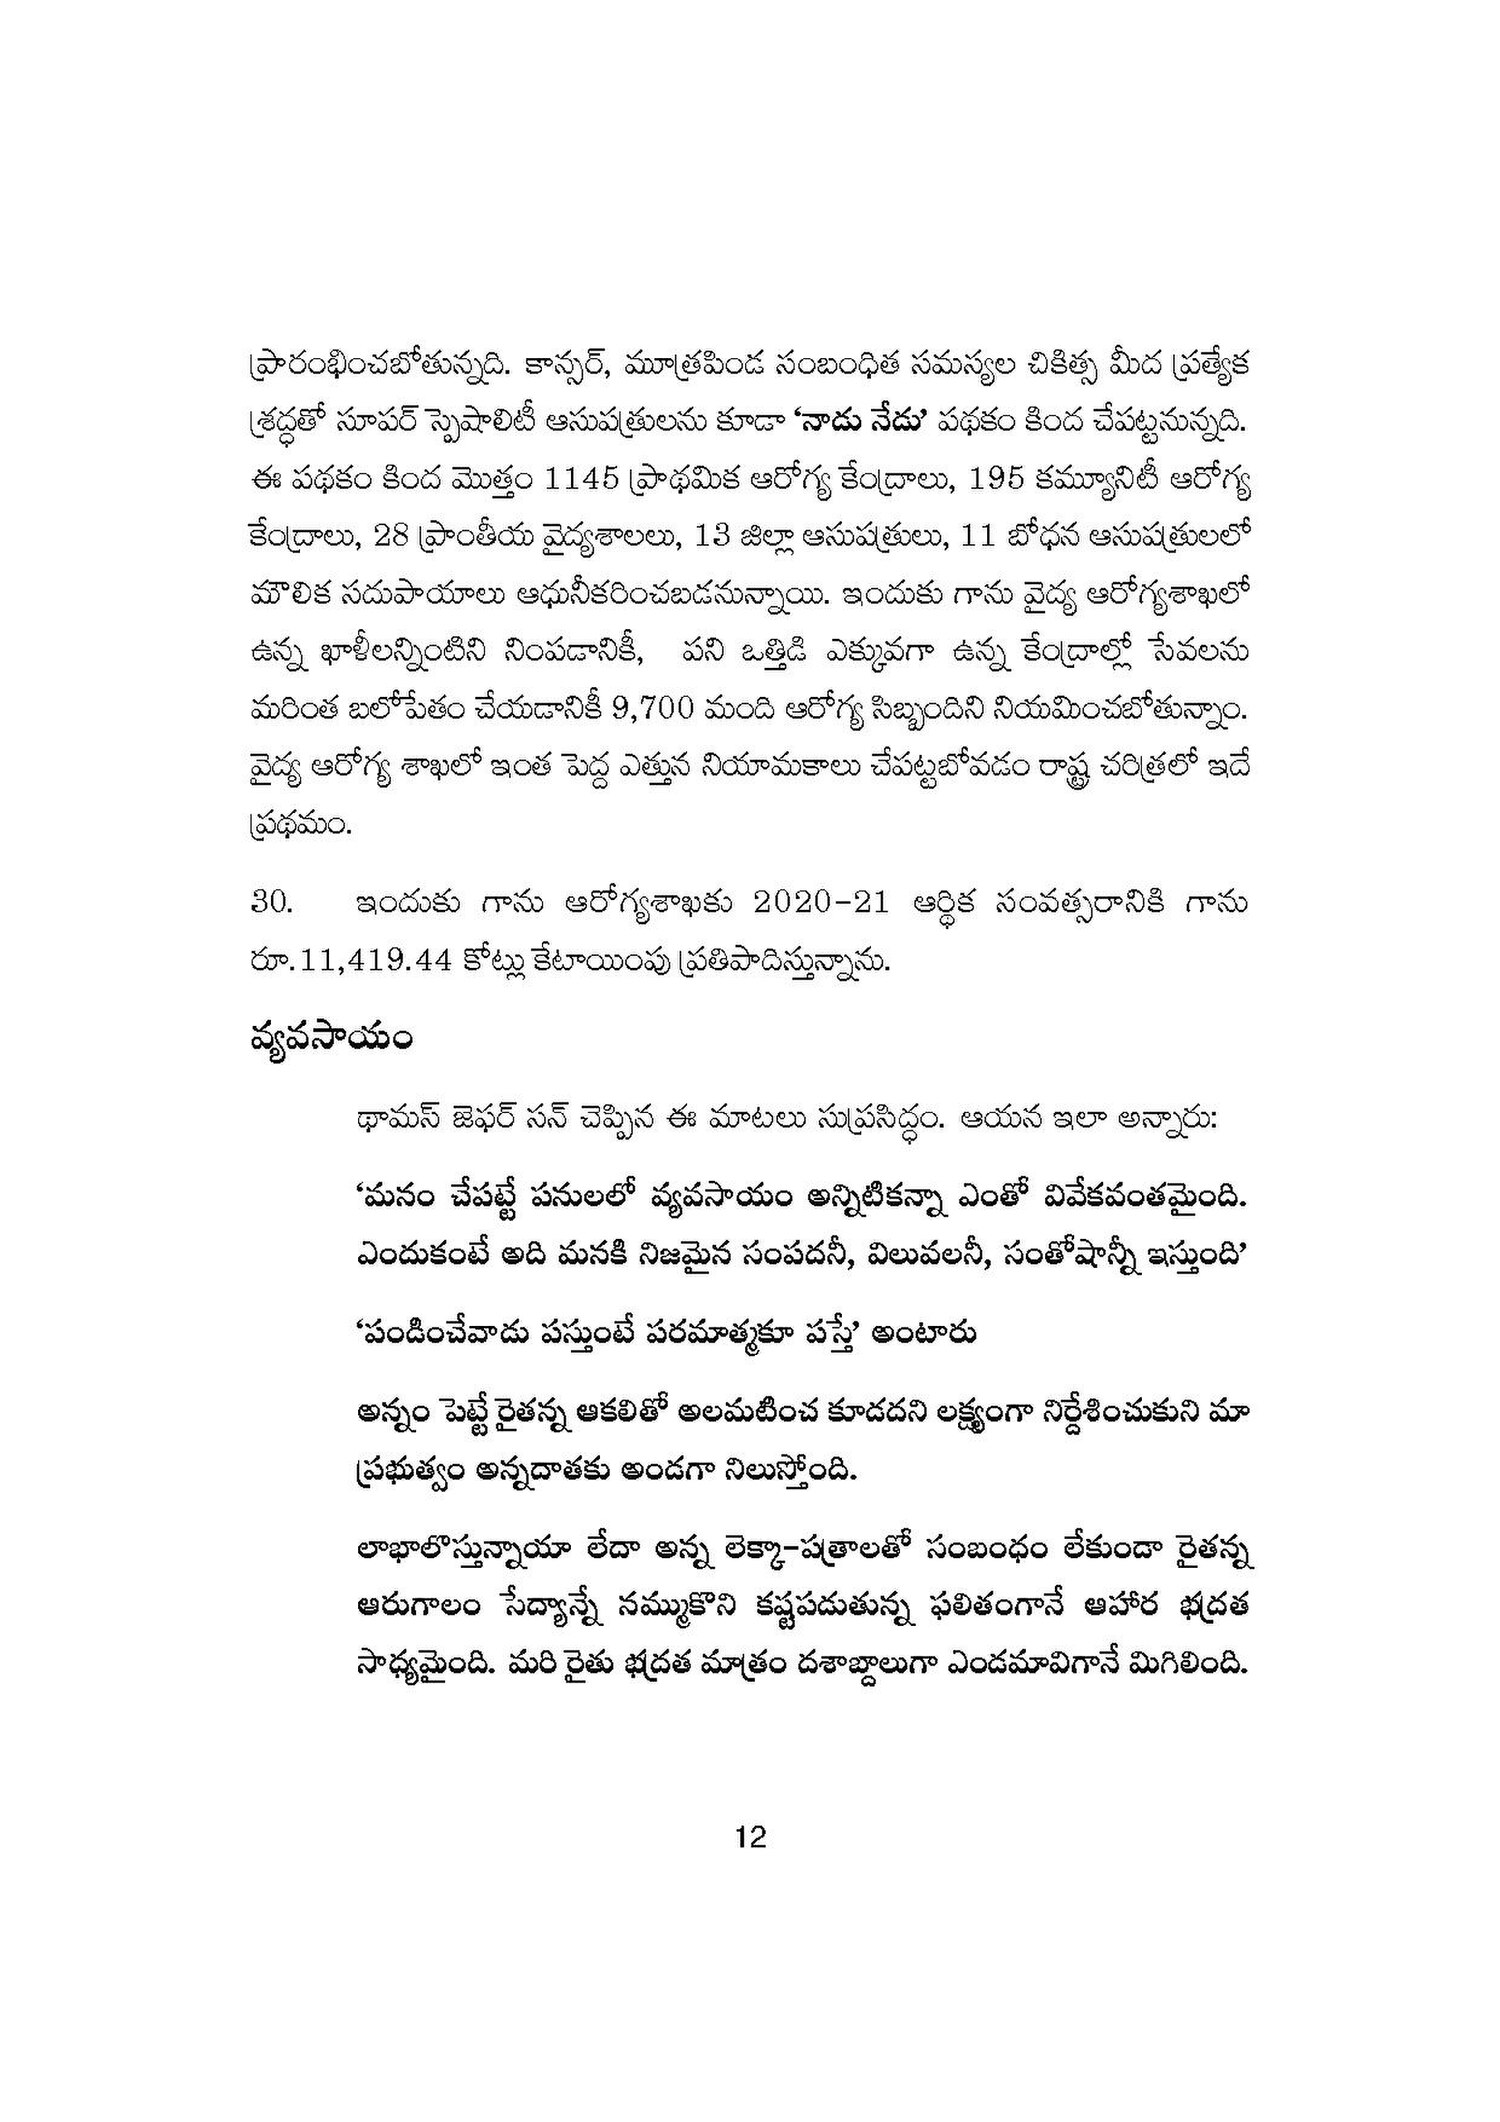ప్రారంభించబోతున్నది. కాన్సర్, మూత్రపిండ సంబంధిత సమస్యల చికిత్స మీద ప్రత్యేక శ్రద్ధతో సూపర్ స్పెషాలిటీ ఆసుపత్రులను కూడా 'నాడు నేడు' పథకం కింద చేపట్టనున్నది. ఈ పథకం కింద మొత్తం 1145 ప్రాథమిక ఆరోగ్య కేంద్రాలు, 195 కమ్యూనిటీ ఆరోగ్య కేంద్రాలు, 28 ప్రాంతీయ వైద్యశాలలు, 13 జిల్లా ఆసుషత్రులు, 11 బోధన ఆసుషత్రులలో మౌలిక సదుపాయాలు ఆధునీకరించబడనున్నాయి. ఇందుకు గాను వైద్య ఆరోగ్యశాఖలో ఉన్న ఖాళీలన్నింటిని నింపడానికీ, పని ఒత్తిడి ఎక్కువగా ఉన్న కేంద్రాల్లో సేవలను మరింత బలోపేతం చేయడానికీ 9,700 మంది ఆరోగ్య సిబ్బందిని నియమించబోతున్నాం. వైద్య ఆరోగ్య శాఖలో ఇంత పెద్ద ఎత్తున నియామకాలు చేపట్టబోవడం రాష్ట్ర చరిత్రలో ఇదే ప్రథమం . 

30. ఇందుకు గాను ఆరోగ్యశాఖకు 2020-21 ఆర్థిక సంవత్సరానికి గాను రూ.11,419.44 కోట్లు కేటాయింపు ప్రతిపాదిస్తున్నాను. 

వ్యవసాయం

థామస్ జెఫర్ సన్ చెప్పిన ఈ మాటలు సుప్రసిద్ధం. ఆయన ఇలా అన్నారు: 
'మనం చేపట్టే పనులలో వ్యవసాయం అన్నిటికన్నా ఎంతో వివేకవంతమైంది. ఎందుకంటే అది మనకి నిజమైన సంపదనీ, విలువలనీ, సంతోషాన్ని ఇస్తుంది' 
'పండించేవాడు పస్తుంటే పరమాత్మకూ పస్తే' అంటారు 

అన్నం పెట్టే రైతన్న ఆకలితో అలమటించ కూడదని లక్ష్యంగా నిర్దేశించుకుని మా ప్రభుత్వం అన్నదాతకు అండగా నిలుస్తోంది. లాభాలొస్తున్నాయా లేదా అన్న లెక్కా-పత్రాలతో సంబంధం లేకుండా రైతన్న ఆరుగాలం సేద్యాన్నే నమ్ముకొని కష్టపడుతున్న ఫలితంగానే ఆహార భద్రత సాధ్యమైంది. మరి రైతు భద్రత మాత్రం దశాబ్దాలుగా ఎండమావిగానే మిగిలింది.